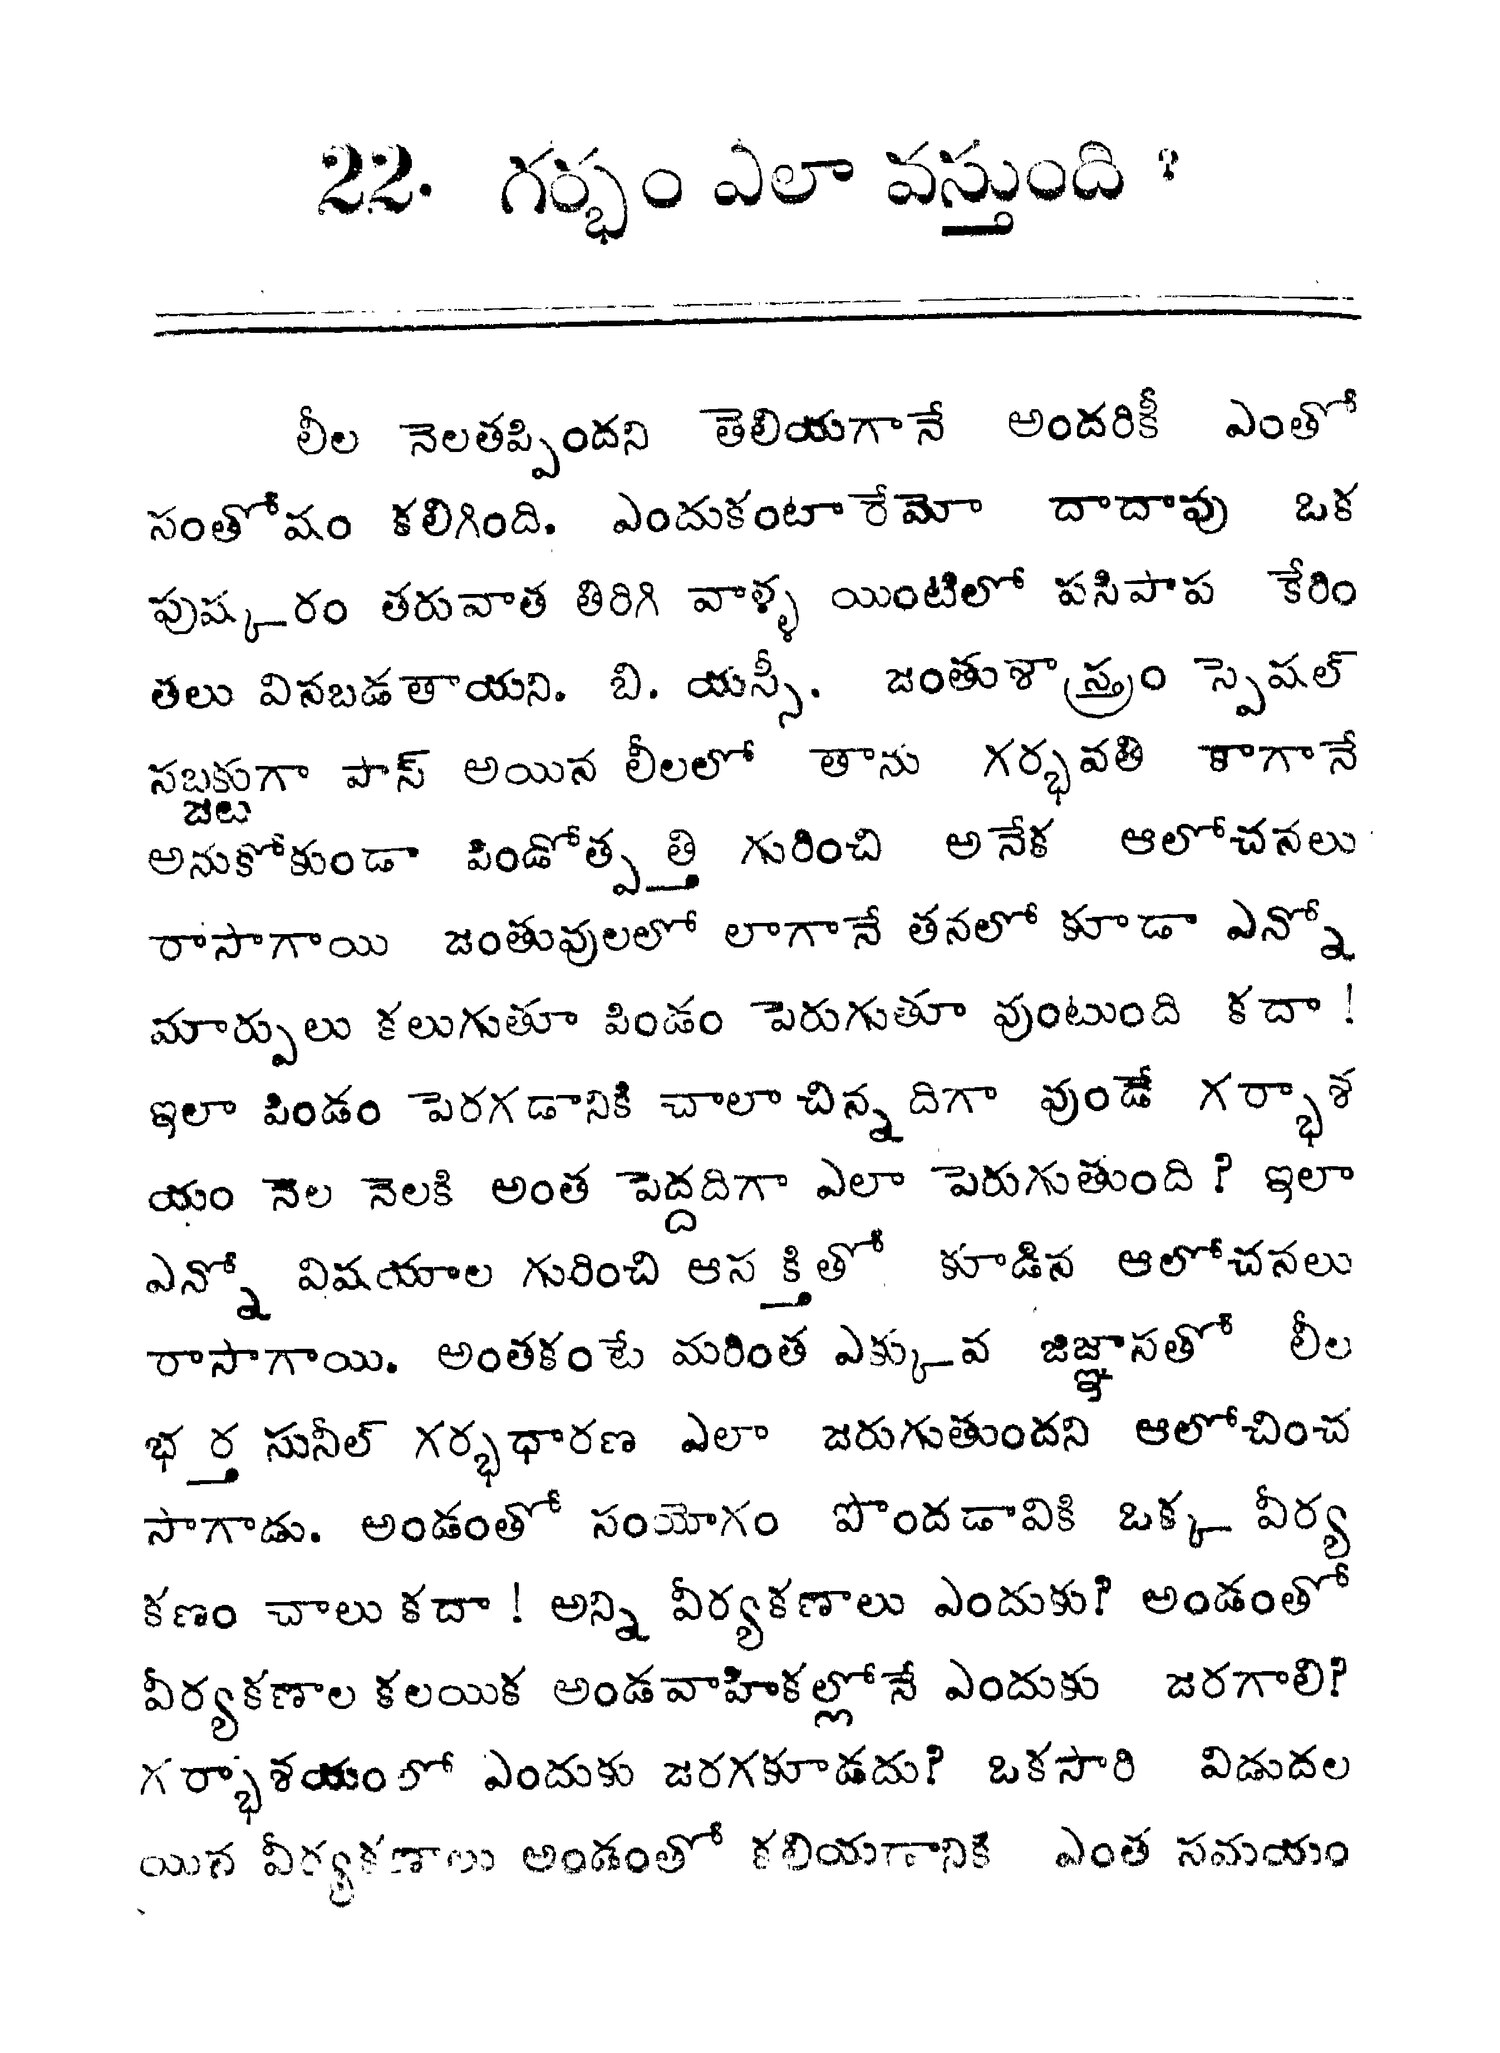లీల నెలతప్పిందని తెలియగానే అందరికీ ఎంతో సంతోషం కలిగింది. ఎందుకంటారేమో దాదాపు ఒక పుష్కరం తరువాత తిరిగి వాళ్ళ యింటిలో పసిపాప కేరింతలు వినబడతాయని, బి.యస్సీ. జంతుశాస్త్రం స్పెషల్ సబ్జక్టుగా పాస్ అయిన లీలలో తాను గర్భవతి కాగానే అనుకోకుండా పిండోత్పత్తి గురించి అనేక ఆలోచనలు రాసాగాయి. జంతువులలో లాగానే తనలో కూడా ఎన్నో మార్పులు కలుగుతూ పిండం పెరుగుతూ వుంటుంది కదా! ఇలా పిండం పెరగడానికి చాలా చిన్నదిగా వుండే గర్భాశయం నెల నెలకి అంత పెద్దదిగా ఎలా పెరుగుతుంది? ఇలా ఎన్నోవిషయాల గురించి ఆసక్తితో కూడిన ఆలోచనలు రాసాగాయి. అంతకంటే మరింత ఎక్కువ జిజ్ఞాసతో లీల భర్త సునీల్ గర్భధారణ ఎలా జరుగుతుందని ఆలోచించసాగాడు. అండంతో సంయోగం పొందడానికి ఒక్క వీర్యకణం చాలు కదా! అన్ని వీర్యకణాలు ఎందుకు? అండంతో వీర్యకణాల కలయిక అండవాహికల్లోనే ఎందుకు జరగాలి? గర్భాశయంలో ఎందుకు జరగకూడదు? ఒకసారి విడుదలయిన వీర్యకణాలు అండంతో కలియడానికి ఎంత సమయం